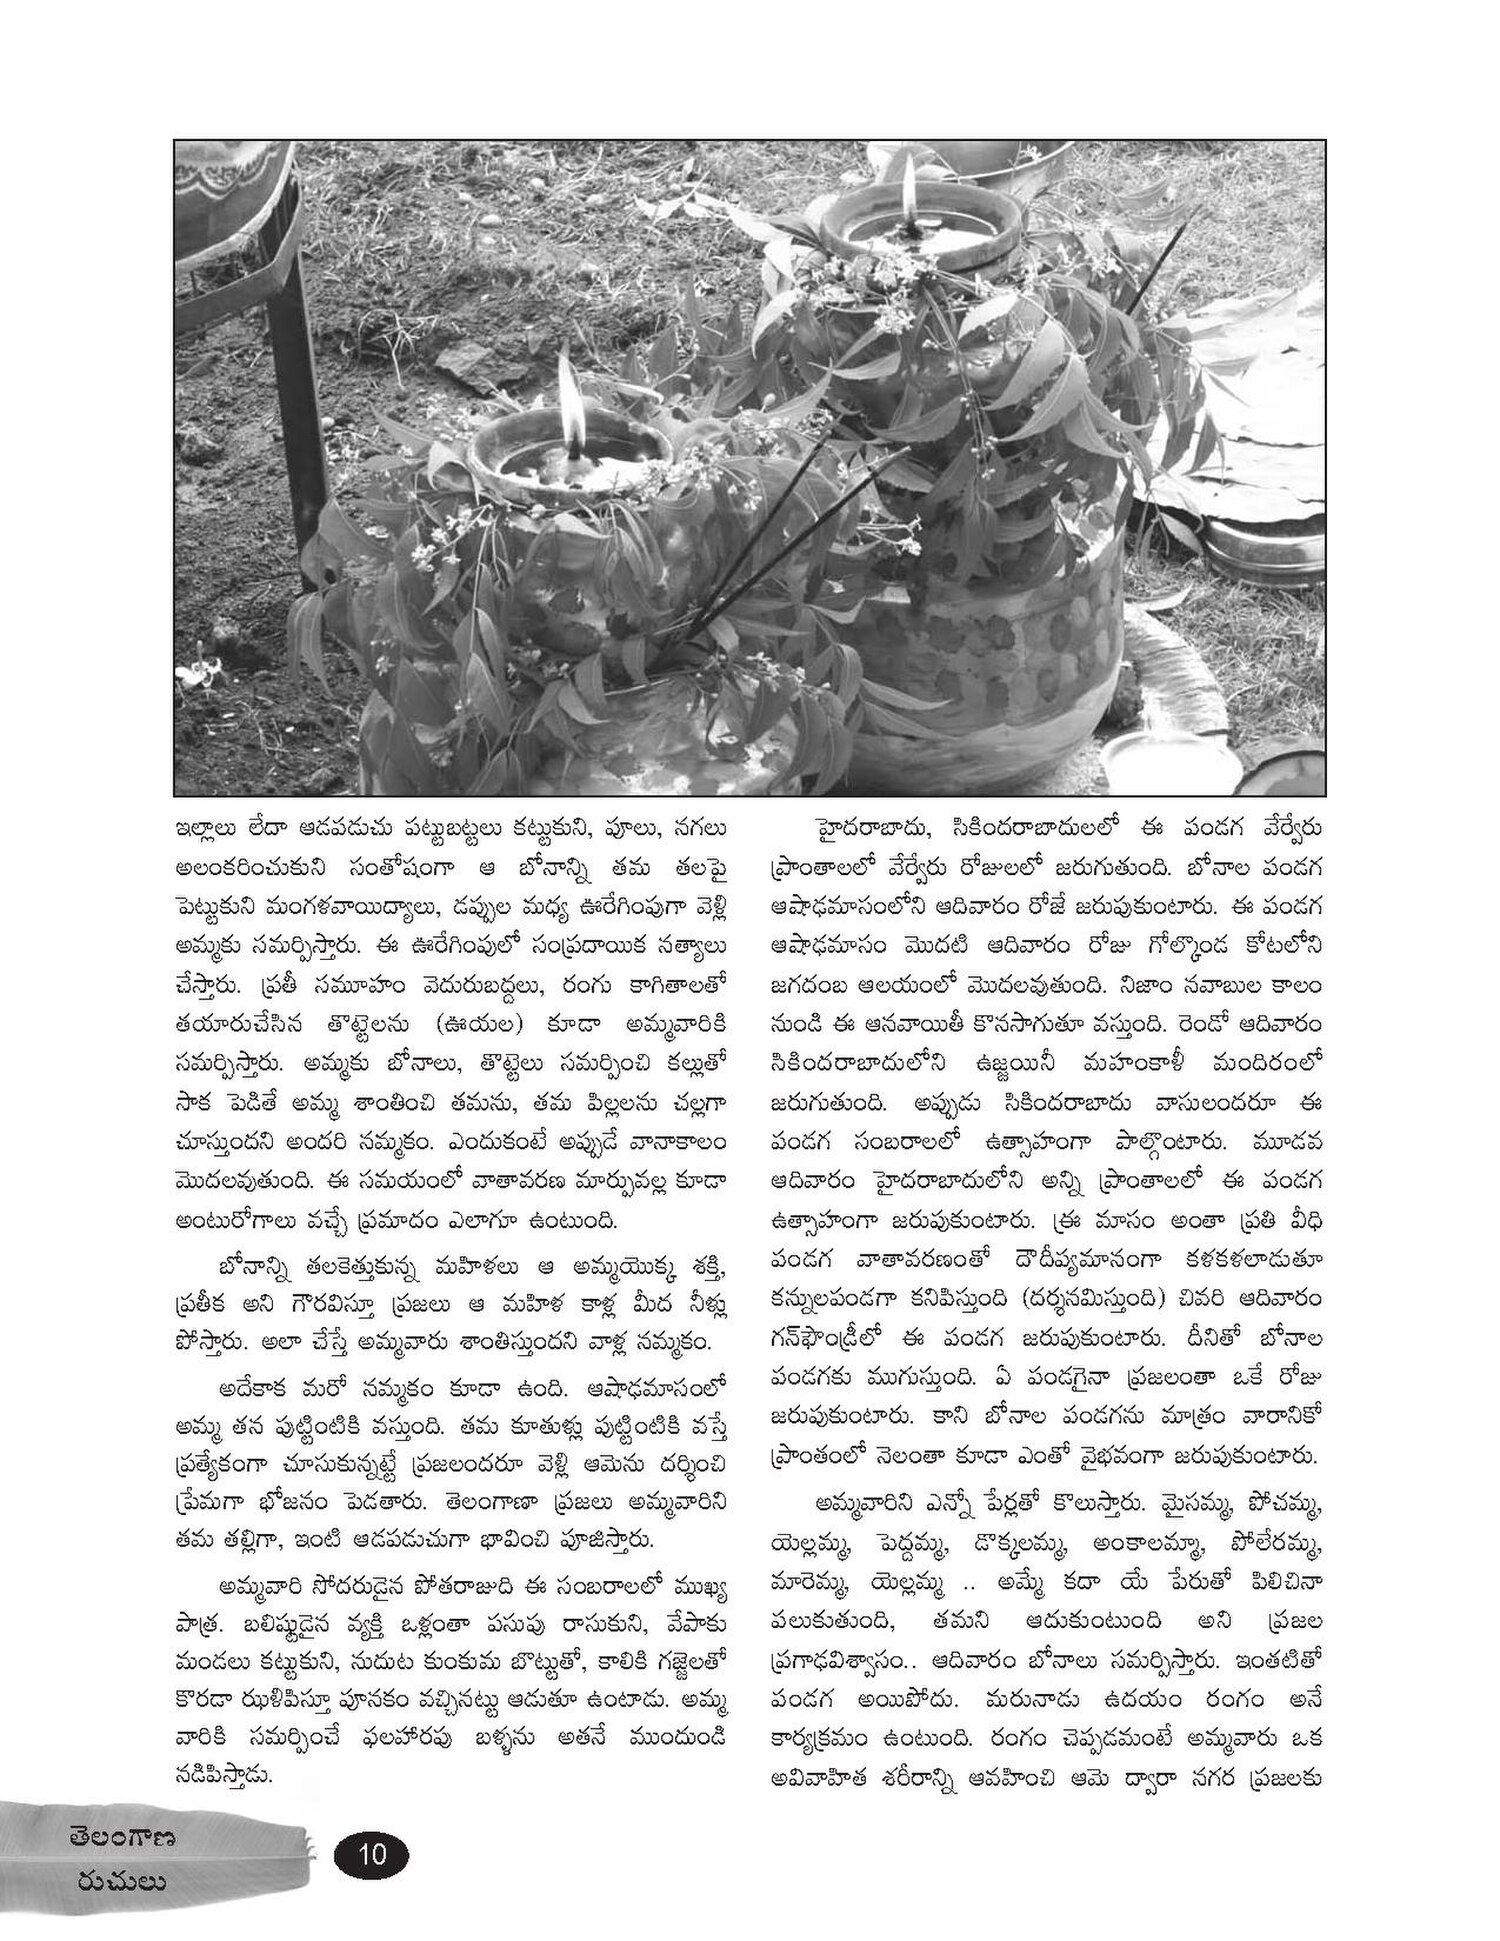ఇల్లాలు లేదా ఆడపడుచు పట్టుబట్టలు కట్టుకుని, పూలు, నగలు అలంకరించుకుని సంతోషంగా ఆ బోనాన్ని తమ తలపై పెట్టుకుని మంగళవాయిద్యాలు, డప్పుల మధ్య ఊరేగింపుగా వెళ్లి అమ్మకు సమర్పిస్తారు. ఈ ఊరేగింపులో సంప్రదాయిక నత్యాలు చేస్తారు. ప్రతీ సమూహం వెదురుబద్దలు, రంగు కాగితాలతో తయారుచేసిన తొట్టెలను (ఊయల) కూడా అమ్మవారికి సమర్పిస్తారు. అమ్మకు బోనాలు, తొట్టెలు సమర్పించి కల్లుతో సాక పెడితే అమ్మ శాంతించి తమను, తమ పిల్లలను చల్లగా చూస్తుందని అందరి నమ్మకం. ఎందుకంటే అప్పుడే వానాకాలం మొదలవుతుంది. ఈ సమయంలో వాతావరణ మార్పువల్ల కూడా అంటురోగాలు వచ్చే ప్రమాదం ఎలాగూ ఉంటుంది.

బోనాన్ని తలకెత్తుకున్న మహిళలు ఆ అమ్మయొక్క శక్తి, ప్రతీక అని గౌరవిస్తూ ప్రజలు ఆ మహిళ కాళ్ల మీద నీళ్లు
పోస్తారు. అలా చేస్తే అమ్మవారు శాంతిస్తుందని వాళ్ల నమ్మకం.

అదేకాక మరో నమ్మకం కూడా ఉంది. ఆషాఢమాసంలో అమ్మ తన పుట్టింటికి వస్తుంది. తమ కూతుళ్లు పుట్టింటికి వస్తే
ప్రత్యేకంగా చూసుకున్నట్టే ప్రజలందరూ వెళ్లి ఆమెను దర్శించి ప్రేమగా భోజనం పెడతారు. తెలంగాణా ప్రజలు అమ్మవారిని తమ తల్లిగా, ఇంటి ఆడపడుచుగా భావించి పూజిస్తారు.

అమ్మవారి సోదరుడైన పోతరాజుది ఈ సంబరాలలో ముఖ్య పాత్ర. బలిష్ఠుడైన వ్యక్తి ఒళ్లంతా పసుపు రాసుకుని, వేపాకు
మండలు కట్టుకుని, నుదుట కుంకుమ బొట్టుతో, కాలికి గజ్జెలతో కొరడా ఝళిపిస్తూ పూనకం వచ్చినట్టు ఆడుతూ ఉంటాడు. అమ్మ వారికి సమర్పించే ఫలహారపు బళ్ళను అతనే ముందుండి నడిపిస్తాడు.

హైదరాబాదు, సికిందరాబాదులలో ఈ పండగ వేర్వేరు ప్రాంతాలలో వేర్వేరు రోజులలో జరుగుతుంది. బోనాల పండగ
ఆషాఢమాసంలోని ఆదివారం రోజే జరుపుకుంటారు. ఈ పండగ ఆషాఢమాసం మొదటి ఆదివారం రోజు గోల్కొండ కోటలోని జగదంబ ఆలయంలో మొదలవుతుంది. నిజాం నవాబుల కాలం నుండి ఈ ఆనవాయితీ కొనసాగుతూ వస్తుంది. రెండో ఆదివారం సికిందరాబాదులోని ఉజ్జయినీ మహంకాళీ మందిరంలో జరుగుతుంది. అప్పుడు సికిందరాబాదు వాసులందరూ ఈ పండగ సంబరాలలో ఉత్సాహంగా పాల్గొంటారు. మూడవ ఆదివారం హైదరాబాదులోని అన్ని ప్రాంతాలలో ఈ పండగ ఉత్సాహంగా జరుపుకుంటారు. ఈ మాసం అంతా ప్రతి వీధి పండగ వాతావరణంతో దౌదీప్యమానంగా కళకళలాడుతూ కన్నులపండగా కనిపిస్తుంది దర్శనమిస్తుంది) చివరి ఆదివారం గన్ ఫౌండ్రీలో ఈ పండగ జరుపుకుంటారు. దీనితో బోనాల పండగకు ముగుస్తుంది. ఏ పండగైనా ప్రజలంతా ఒకే రోజు జరుపుకుంటారు. కాని బోనాల పండగను మాత్రం వారానికో ప్రాంతంలో నెలంతా కూడా ఎంతో వైభవంగా జరుపుకుంటారు.

అమ్మవారిని ఎన్నో పేర్లతో కొలుస్తారు. మైసమ్మ, పోచమ్మ, యెల్లమ్మ, పెద్దమ్మ, డొక్కలమ్మ, అంకాలమ్మ, పోలేరమ్మ,
మారెమ్మ, యెల్లమ్మ .. అమ్మే కదా యే పేరుతో పిలిచినా పలుకుతుంది, తమని ఆదుకుంటుంది అని ప్రజల
ప్రగాఢవిశ్వాసం.. ఆదివారం బోనాలు సమర్పిస్తారు. ఇంతటితో పండగ అయిపోదు. మరునాడు ఉదయం రంగం అనే
కార్యక్రమం ఉంటుంది. రంగం చెప్పడమంటే అమ్మవారు ఒక అవివాహిత శరీరాన్ని ఆవహించి ఆమె ద్వారా నగర ప్రజలకు